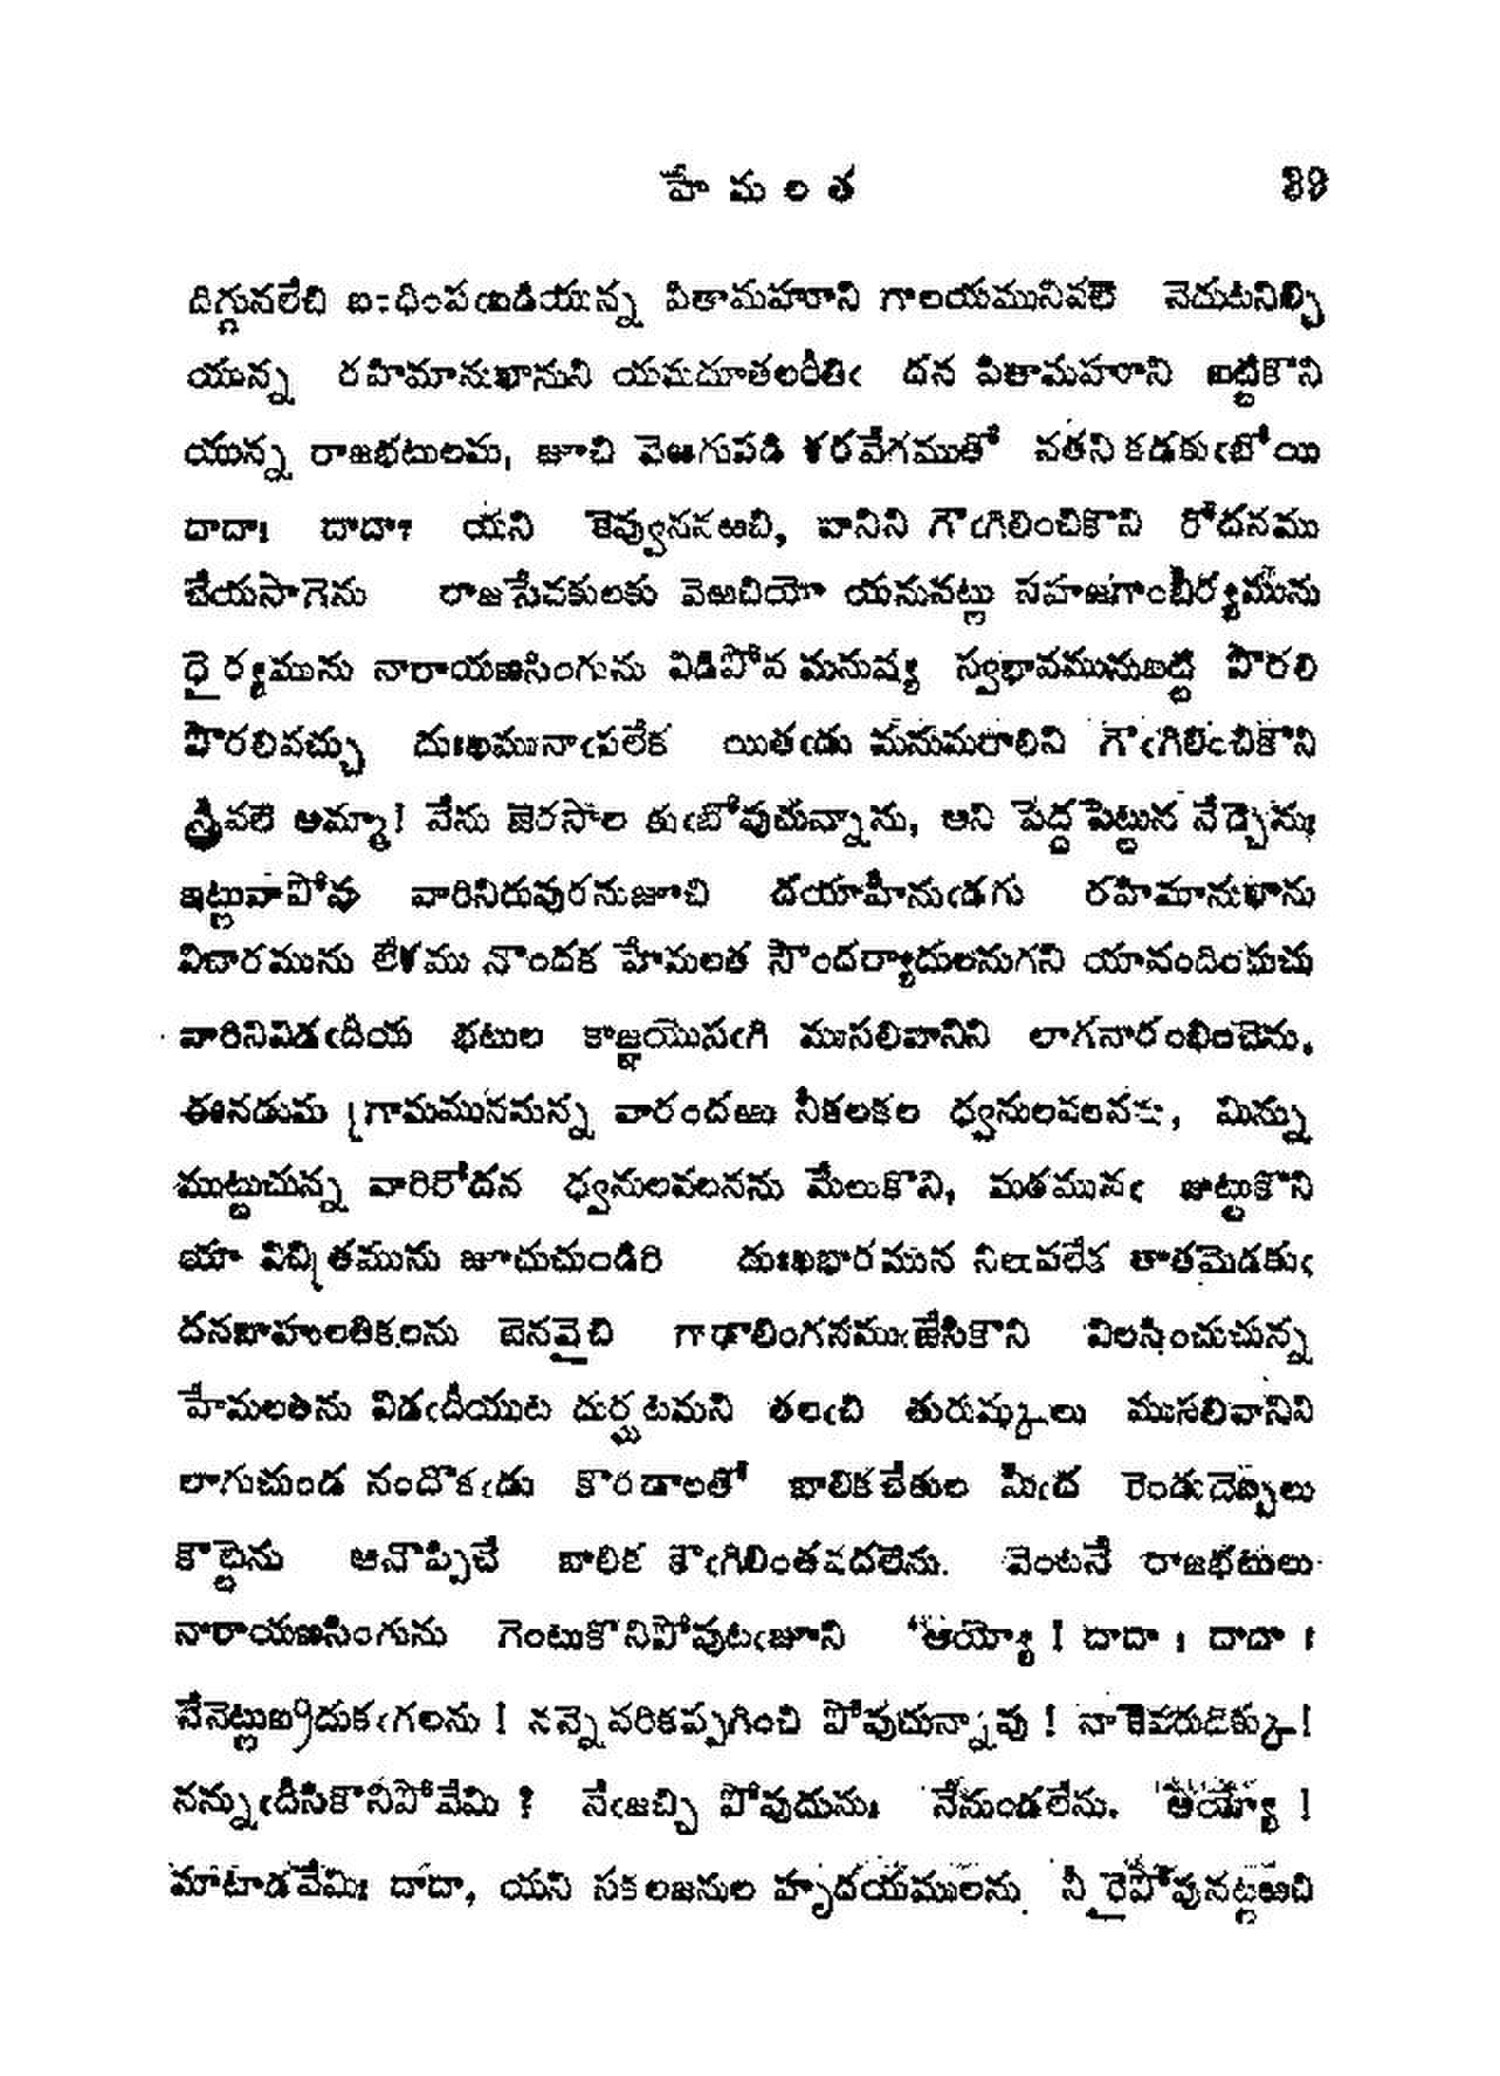దిగ్గున లేచి బంధింపఁబడియున్న పితామహుని గాలయమునివలె నెదుటనిల్చి యున్న రహిమానుఖానుని యమదూతలరీతిఁ దన పితామహుని బట్టికొనియున్న రాజభటులను జూచి వెఱగుపడి శరవేగముతో నతని కడకుఁబోయి దాదా! దాదా! యని కెవ్వుననఱచి, వానిని గౌఁగిలించికొని రోదనము చేయసాగెను. రాజసేవకులకు వెఱచియో యనునట్లు సహజగాంభీర్యమును ధైర్యమును నారాయణసింగును విడిపోవ మనుష్య స్వభావమునుబట్టి పొరలి పొరలివచ్చు దుఃఖమునాఁపలేక యితఁడు మనుమరాలిని గౌఁగిలించికొని స్త్రీవలె అమ్మా! నేను జెరసాలకుఁబోవుచున్నాను, అని పెద్ద పెట్టున నేడ్చెను. ఇట్లువాపోవు వారినిరువురనుజూచి దయాహీనుఁడగు రహిమానుఖాను విచారమును లేశము నొందక హేమలత సౌందర్యాదులనుగని యానందించుచు వారినివిడఁదీయ భటుల కాజ్ఞయొసఁగి ముసలివానిని లాగనారంభించెను. ఈనడుమ గ్రామమునమన్న వారందు నీకలకల ధ్వనులవలనకు, మిన్ను ముట్టుచున్న వారిరోదన ధ్వనులవలనను మేలుకొని, మఠమునఁ జుట్టుకొని యా విచిత్రమును జూచుచుండిరి. దుఃఖభారమున నిలువలేక తాతమెడకుఁ దనబాహులతికలను బెనవైచి గాఢాలింగనముఁ జేసికొని విలపించుచున్న హేమలతను విడఁదీయుట దుర్ఘటమని తలఁచి తురుష్కులు ముసలివానిని లాగుచుండ నందొకఁడు కొరడాలతో బాలిక చేతుల మీద రెండు దెబ్బలు కొట్టెను. ఆనొప్పిచే బాలిక కౌఁగిలింతవదలెను. వెంటనే రాజభటులు నారాయణసింగును గెంటుకొనిపోవుటఁజూని “అయ్యో! దాదా! దాదా! నేనెట్లు బ్రదుకఁగలను! నన్నెవరికప్పగించి పోవుచున్నావు! నాకెవరుదిక్కు! నన్నుఁ దీసికొనిపోవేమి! నేఁజచ్చి పోవుదును, నేనుండలేను. అయ్యో! మాటాడవేమి? దాదా, యని సకలజనుల హృదయములను. నీరైపోవునట్లఱచి